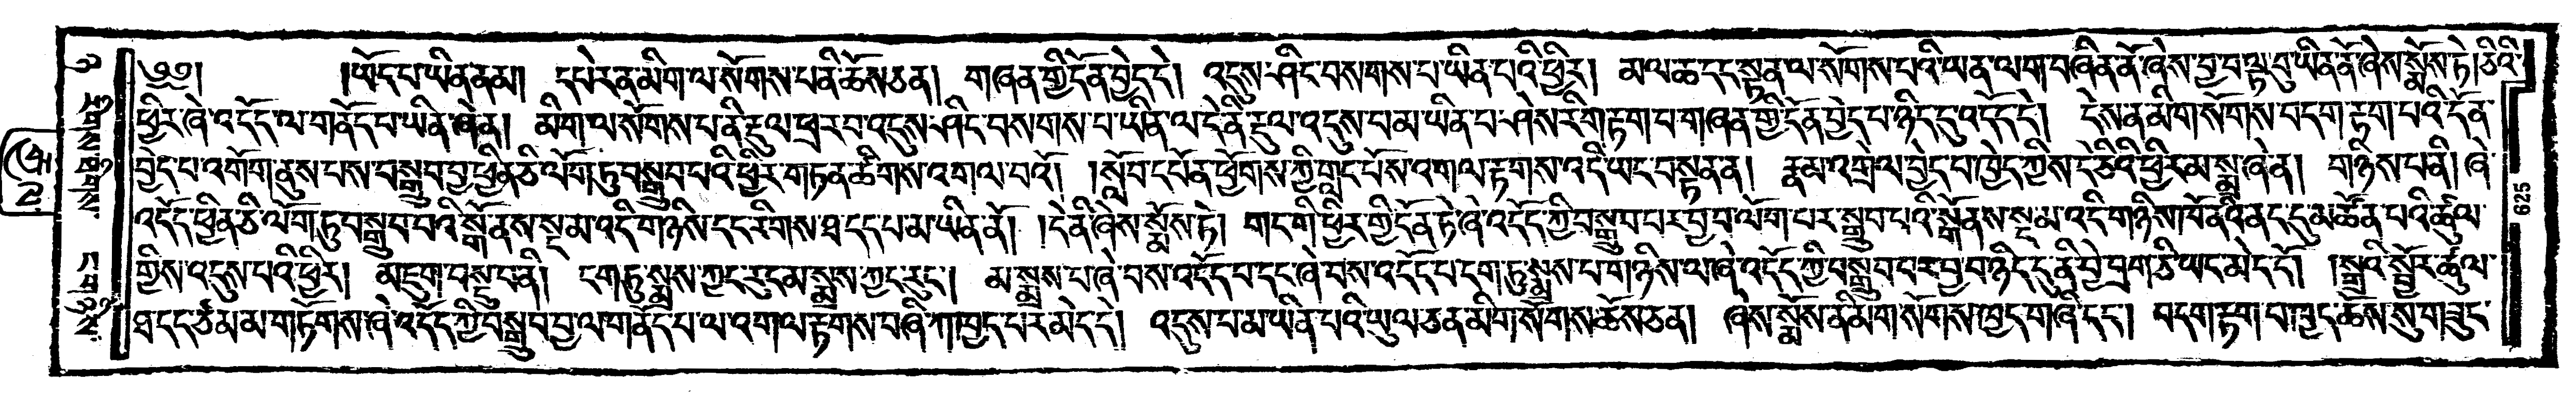༄༅། །ཡོད་པ་ཡིན་ནམ། དཔེར་ན་མིག་ལ་སོགས་པ་ནི་ཆོས་ཅན། གཞན་གྱི་དོན་བྱེད་དེ། འདུས་ཤིང་བསགས་པ་ཡིན་པའི་ཕྱིར། མལ་ཆ་དང་སྟན་ལ་སོགས་པའི་ཡན་ལག་བཞིན་ནོ་ཞེས་བྱ་བ་ལྟ་བུ་ཡིན་ནོ་ཞེས་སྨོས་ཏེ། ཅིའི་
ཕྱིར་ཞེ་འདོད་ལ་གནོད་པ་ཡིན་ཞེ་ན། མིག་ལ་སོགས་པ་ནི་རྡུལ་ཕྲ་རབ་འདུས་ཤིང་བསགས་པ་ཡིན་ལ་དེ་ནི་རྡུལ་འདུས་པ་མ་ཡིན་པ་ཤེས་རིག་རྟག་པ་གཞན་གྱི་དོན་བྱེད་པ་ཉིད་དུ་འདོད་དེ། དེས་ན་མིག་སོགས་བདག་རྟག་པའི་དོན་
བྱེད་པ་འགོག་ནུས་པས་བསྒྲུབ་བྱ་ཕྱིན་ཅི་ལོག་ཏུ་བསྒྲུབ་པའི་ཕྱིར་གཏན་ཚིགས་འགལ་བའོ། །སློབ་དཔོན་ཕྱོགས་ཀྱི་གླང་པོས་འགལ་རྟགས་འདི་ཡང་བསྟན་ན། རྣམ་འགྲེལ་བྱེད་པ་ཁྱེད་ཀྱིས་དེ་ཅིའི་ཕྱིར་མ་སྨྲ་ཞེ་ན། གཉིས་པ་ནི། ཞེ་
འདོད་ཕྱིན་ཅི་ལོག་ཏུ་བསྒྲུབ་པའི་སྒོ་ནས་སྔ་མ་འདི་གཉིས་དང་རིགས་ཐ་དད་པ་མ་ཡིན་ནོ། །དེ་ནི་ཞེས་སྨོས་ཏེ། གང་གི་ཕྱིར་གྱི་དོན་ཏེ་ཞེ་འདོད་ཀྱི་བསྒྲུབ་པར་བྱ་བ་ལོག་པར་སྒྲུབ་པའི་སྒོ་ནས་སྔ་མ་འདི་གཉིས་ཁོ་ནའི་ནང་དུ་མཚོན་པའི་ཚུལ་
གྱིས་འདུས་པའི་ཕྱིར། མཇུག་བསྡུ་པ་ནི། དག་ཏུ་སྨྲས་ཀྱང་རུང་མ་སྨྲས་ཀྱང་རུང་། མ་སྨྲས་པ་ཞེ་བས་འདོད་པ་དང་ཞེ་བས་འདོད་པ་དག་ཏུ་སྨྲས་པ་གཉིས་ལ་ཞེ་འདོད་ཀྱི་བསྒྲུབ་པར་བྱ་བ་ཉིད་དུ་ནི་བྱེ་བྲག་ཅི་ཡང་མེད་དོ། །སྒྲའི་སྦྱོར་ཚུལ་
ཐ་དད་ཙམ་མ་གཏོགས་ཞེ་འདོད་ཀྱི་བསྒྲུབ་བྱ་ལ་གནོད་པ་ལ་འགལ་རྟགས་བཞི་ཀ་ཁྱད་པར་མེད་དེ། འདུས་པ་མ་ཡིན་པའི་ཡུལ་ཅན་མིག་སོགས་ཆོས་ཅན། ཞེས་སྨོས་ནི་མིག་སོགས་ཁྱད་གཞི་དང་། བདག་རྟག་བ་ཁྱད་ཆོས་སུ་གཟུང་